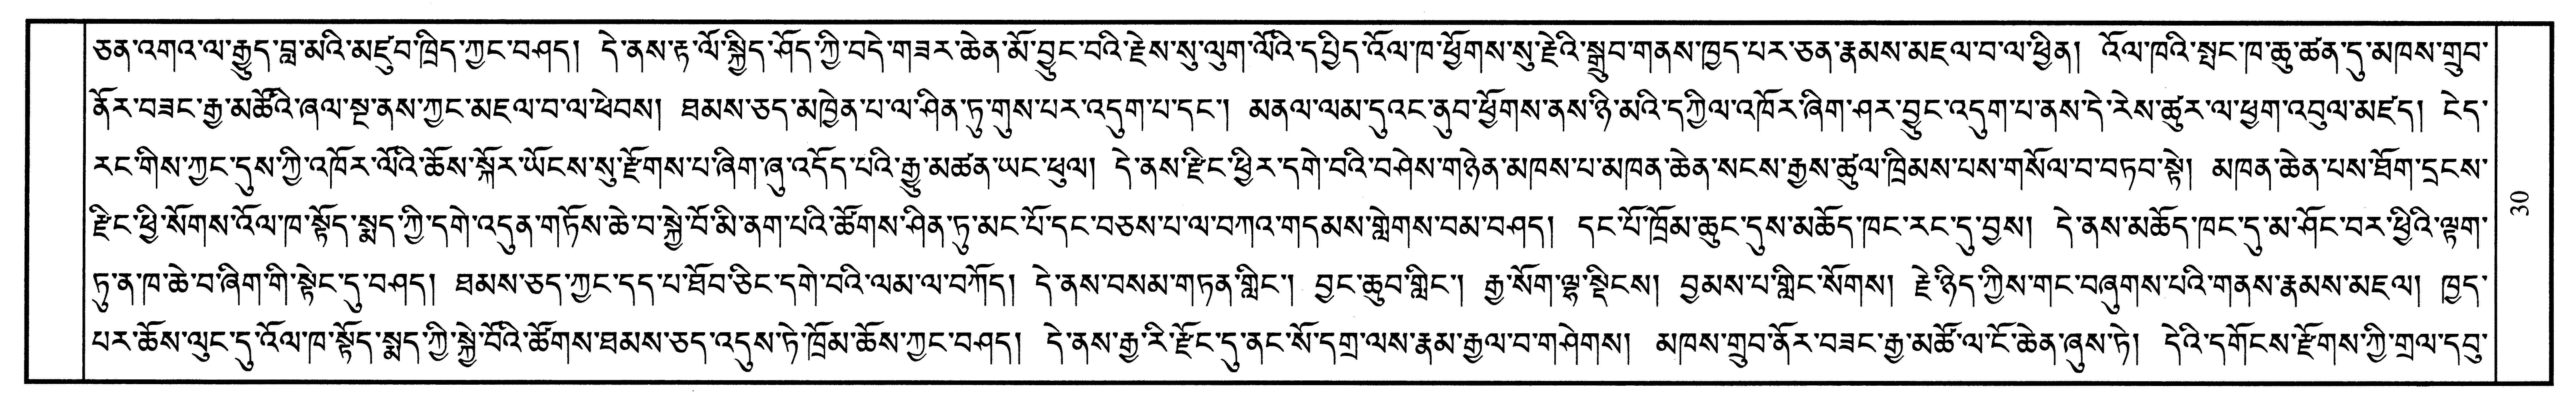ཅན་འགའ་ལ་རྒྱུད་བླ་མའི་མཛུབ་ཁྲིད་ཀྱང་བཤད། དེ་ནས་རྟ་ལོ་སྐྱིད་ཤོད་ཀྱི་བདེ་གཟར་ཆེན་མོ་བྱུང་བའི་རྗེས་སུ་ལུག་ལོའི་དཔྱིད་འོལ་ཁ་ཕྱོགས་སུ་རྗེའི་སྒྲུབ་གནས་ཁྱད་པར་ཅན་རྣམས་མཇལ་བ་ལ་ཕྱིན། འོལ་ཁའི་སྤང་ཁ་ཆུ་ཚན་དུ་མཁས་གྲུབ་
ནོར་བཟང་རྒྱ་མཚོའི་ཞལ་སྔ་ནས་ཀྱང་མཇལ་བ་ལ་ཕེབས། ཐམས་ཅད་མཁྱེན་པ་ལ་ཤིན་ཏུ་གུས་པར་འདུག་པ་དང་། མནལ་ལམ་དུའང་ནུབ་ཕྱོགས་ནས་ཉི་མའི་དཀྱིལ་འཁོར་ཞིག་ཤར་བྱུང་འདུག་པ་ནས་དེ་རེས་ཚུར་ལ་ཕྱག་འབུལ་མཛད། ངེད་
རང་གིས་ཀྱང་དུས་ཀྱི་འཁོར་ལོའི་ཆོས་སྐོར་ཡོངས་སུ་རྫོགས་པ་ཞིག་ཞུ་འདོད་པའི་རྒྱུ་མཚན་ཡང་ཕུལ། དེ་ནས་རྫིང་ཕྱིར་དགེ་བའི་བཤེས་གཉེན་མཁས་པ་མཁན་ཆེན་སངས་རྒྱས་ཚུལ་ཁྲིམས་པས་གསོལ་བ་བཏབ་སྟེ། མཁན་ཆེན་པས་ཐོག་དྲངས་
རྫིང་ཕྱི་སོགས་འོལ་ཁ་སྟོད་སྨད་ཀྱི་དགེ་འདུན་གཏོས་ཆེ་བ་སྐྱེ་བོ་མི་ནག་པའི་ཚོགས་ཤིན་ཏུ་མང་པོ་དང་བཅས་པ་ལ་བཀའ་གདམས་གླེགས་བམ་བཤད། དང་པོ་ཁྲོམ་ཆུང་དུས་མཆོད་ཁང་རང་དུ་བྱས། དེ་ནས་མཆོད་ཁང་དུ་མ་ཤོང་བར་ཕྱིའི་ལྟག་
ཏུ་ན་ཁ་ཆེ་བ་ཞིག་གི་སྟེང་དུ་བཤད། ཐམས་ཅད་ཀྱང་དད་པ་ཐོབ་ཅིང་དགེ་བའི་ལམ་ལ་བཀོད། དེ་ནས་བསམ་གཏན་གླིང་། བྱང་ཆུབ་གླིང་། རྒྱ་སོགས་ལྷ་སྡིངས། བྱམས་པ་གླིང་སོགས། །རྗེ་ཉིད་ཀྱིས་གང་བཞུགས་པའི་གནས་རྣམས་མཇལ། ཁྱད་
པར་ཆོས་ལུང་དུ་འོལ་ཁ་སྟོད་སྨད་ཀྱི་སྐྱེ་བོའི་ཚོགས་ཐམས་ཅད་འདུས་ཏེ་ཁྲོམ་ཆོས་ཀྱང་བཤད། དེ་ནས་རྒྱ་རི་རྫོང་དུ་ནང་སོ་ཨདགྲ་ལས་རྣམ་རྒྱལ་བ་གཤེགས། མཁས་གྲུབ་ནོར་བཟང་རྒྱ་མཚོ་ལ་ངོ་ཆེན་ཞུས་ཏེ། དེའི་དགོངས་རྫོགས་ཀྱི་གྲལ་དབུ་